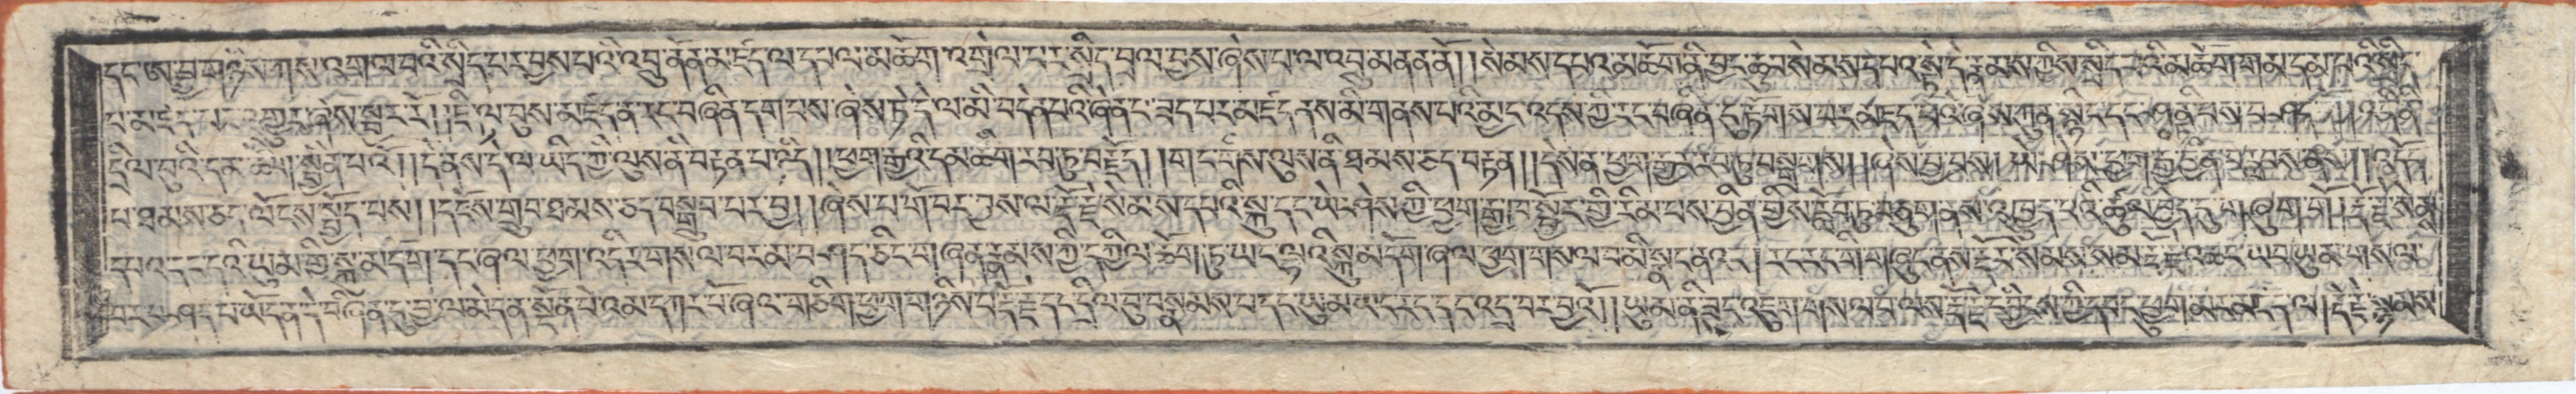དང་ཨ་བྷྱ་གཉིས་ཀས་འགལ་བའི་སྲིད་པར་བྱས་པའི་འབྲུ་ནོན་མཛད་ལ་དཔལ་མཆོག་འགྲེལ་པར་སྲིད་བྲལ་བྱས་ཞེས་པ་ལ་འབྲུ་མནན་ནོ། །སེམས་དཔའ་མཆོག་ནི་བྱང་ཆུབ་སེམས་དཔའ་སྟེ་དེ་རྣམས་ཀྱིས་སྲིད་པའི་མཆོག་གམ་དམ་པའི་སྲིད་
པ་མཛད་པར་འགྱུར་ཞེས་སྦྱར་རོ། །ཇི་ལྟ་བུས་མཛད་ན་རང་བཞིན་དག་པས་ཞེས་ཏེ་དེ་ལ་མི་བདེན་པའི་ཞེན་པ་ཟད་པར་མཛད་ནས་མི་གནས་པའི་མྱང་འདས་ཀྱི་རང་བཞིན་དུ་རྟོགས་པར་མཛད་པའོ་ཞེས་ཀུན་སྙིང་དང་ཤཱནྟི་པས་བཤད་དོ། །འདི་ནི་
དྲིལ་བུའི་དམ་ཚིག་སྦྱིན་པའོ། །དེ་ནས་དེ་ལ་ཡིད་ཀྱི་ལུས་ནི་བརྟན་པ་ཉིད། །ཕྱག་རྒྱའི་དམ་ཚིག་རབ་ཏུ་བརྗོད། །གང་གིས་ལུས་ནི་ཐམས་ཅད་བརྟན། །དེས་ན་ཕྱག་རྒྱར་རབ་ཏུ་བསྒྲགས། །ཞེས་བྱ་བས། ཡེ་ཤེས་ཕྱག་རྒྱ་བྱིན་བརླབས་ནས། །འདོད་
པ་ཐམས་ཅད་ལོངས་སྤྱོད་པས། །དངོས་གྲུབ་ཐམས་ཅད་བསྒྲུབ་པར་བྱ། །ཞེས་པ་གོ་བར་བྱས་ལ་རྡོ་རྗེ་སེམས་དཔའི་སྐུ་དང་ཡེ་ཤེས་ཀྱི་ཕྱག་རྒྱ་ཁ་སྦྱོར་གྱི་རིམ་པས་བྱིན་གྱིས་རློབ་ཏུ་བཅུག་ནས་འཁྱུད་པའི་ཚུལ་བྱེད་དུ་གཞུག་གོ །རྡོ་རྗེ་སེམས་
དཔའ་དང་དེའི་ཡུམ་གྱི་སྐུ་མདོག་དང་ཞལ་ཕྱག་འདིར་གསལ་བར་མ་བཤད་ཅིང་གཞན་རྣམས་ཀྱི་དཀྱིལ་ཆོག་ཏུ་ཡང་ལྷའི་སྐུ་མདོག་ཞལ་ཕྱག་གསལ་བ་མི་སྣང་ནའང་། རང་རང་གི་གཞུང་ནས་རྡོར་སེམས་སམ་རྡོ་རྗེ་འཆང་ཡབ་ཡུམ་གསལ་
བར་བཤད་པ་ཡོད་ན་དེ་བཞིན་དུ་བྱ་ལ་མེད་ན་སྔོན་པོ་འམ་དཀར་པོ་ཞལ་གཅིག་ཕྱག་གཉིས་པ་རྡོ་རྗེ་དང་དྲིལ་བུ་བསྣམས་པ་དང་ཡུམ་དང་རང་དང་འདྲ་བར་བྱའོ། །ཡུམ་ནི་ཟུང་འཇུག་གསལ་བ་ལས་རྡོ་རྗེ་དབྱིངས་ཀྱི་དབང་ཕྱུག་མར་མཛད་ལ། རྡོ་རྗེ་སྙེམས་